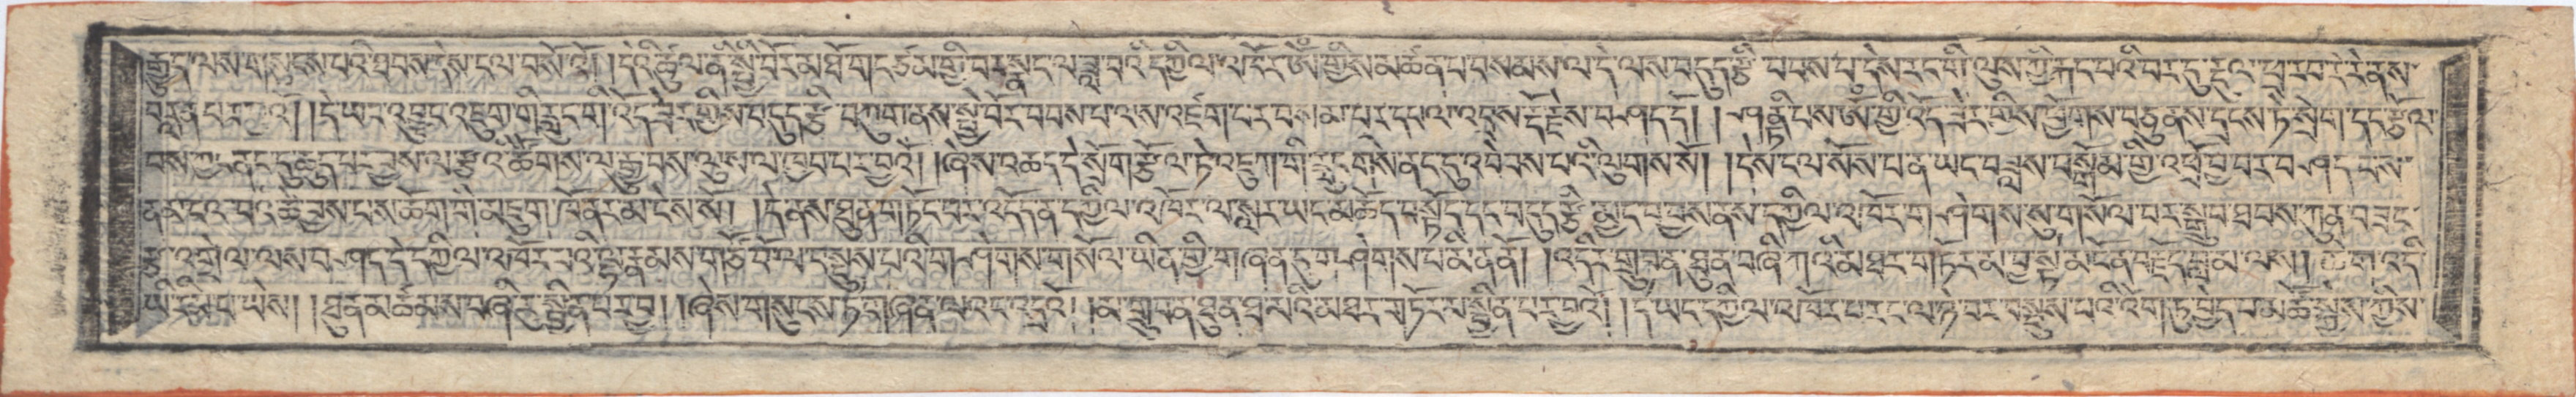རྒྱུད་ལས་གསུངས་པའི་ཐབས་དེས་ངལ་བསོ་འོ། །དེའི་ཚུལ་ནི་སྤྱི་བོར་མཐོ་གང་ཙམ་གྱི་བར་སྣང་ལ་ཟླ་བའི་དཀྱིལ་འཁོར་ཨོཾ་གྱིས་མཚན་པ་བསམས་ལ་དེ་ལས་བདུད་རྩི་བབས་པ་དེས་རང་གི་ལུས་ཀྱི་རྐང་པའི་བར་དུ་རྡུལ་ཕྲ་རབ་རེ་རེ་ནས་
བརླན་པར་བྱའོ། །དེ་ཡང་འབྱུང་འཇུག་གི་རླུང་གི་འོད་ཟེར་གྱིས་བདུད་རྩི་བཀུག་ནས་སྤྱི་བོར་བབས་པ་ལས་འཛག་པར་བསམ་པར་དཔལ་འབྲས་རྡོ་རྗེས་བཤད་དོ། །ཤནྟི་པས་ཨོཾ་གྱི་འོད་ཟེར་གྱིས་ཕྱོགས་བཅུ་ནས་དྲངས་ཏེ་སྲོག་དང་རྩོལ་
བས་ཀྱང་ནང་དུ་ཆུད་པར་བྱས་ལ་རྩའི་ཚོགས་ལ་རྒྱུ་བས་ལུས་ལ་ཁྱབ་པར་བྱའོ། །ཞེས་འཆད་དེ་སྲོག་རྩོལ་ཏེ་འཇུག་གི་རླུང་གིས་ནང་དུ་འབེབས་པའི་ལུགས་སོ། །དེས་ངལ་སོས་པ་ན་ཡང་བཟླས་བསྒོམ་གྱི་འཕྲོ་བྱ་བར་བཤད་པས་
ནམ་མངའ་བའི་ཚེ་བྱས་པས་ཆོག་གི་མཇུག་ཁོ་ནར་མ་ངེས་སོ། །དེ་ནས་ཐུན་གཏོང་བར་འདོད་ན་དཀྱིལ་འཁོར་ལ་སླར་ཡང་མཆོད་བསྟོད་དང་བདུད་རྩི་མྱང་བ་བྱས་ནས་དཀྱིལ་འཁོར་གཤེགས་སུ་གསོལ་བར་སྒྲུབ་ཐབས་ཀུན་བཟང་
རྩ་འགྲེལ་ལས་བཤད་དེ་དཀྱིལ་འཁོར་པའི་ལྷ་རྣམས་གཙོ་བོ་ལ་བསྡུས་པའི་གཤེགས་གསོལ་ཡིན་གྱི་གཞན་དུ་གཤེགས་པ་མིན་ནོ། །འདིར་གྲུབ་ན་ཐུན་བཞི་ཀའི་མཐར་གཏོར་མ་བྱ་སྟེ་མངོན་བརྗོད་བླ་མ་ལས། ཆོ་ག་འདི་
ཡི་རིམ་པ་ཡིས། །ཐུན་མཚམས་བཞི་རུ་སྦྱིན་པར་བྱ། །ཞེས་གསུངས་ཏེ་གཞན་ལའང་འདྲའོ། །མ་གྲུབ་ན་ཐུན་ཐ་མའི་མཐར་གཏོར་མ་སྦྱིན་པར་བྱའོ། །དེ་ཡང་དཀྱིལ་འཁོར་པ་རང་ལ་ཉེ་བར་བསྡུས་པའི་འོག་ཏུ་བྱེད་པ་མཚོ་སྐྱེས་ཀྱིས་